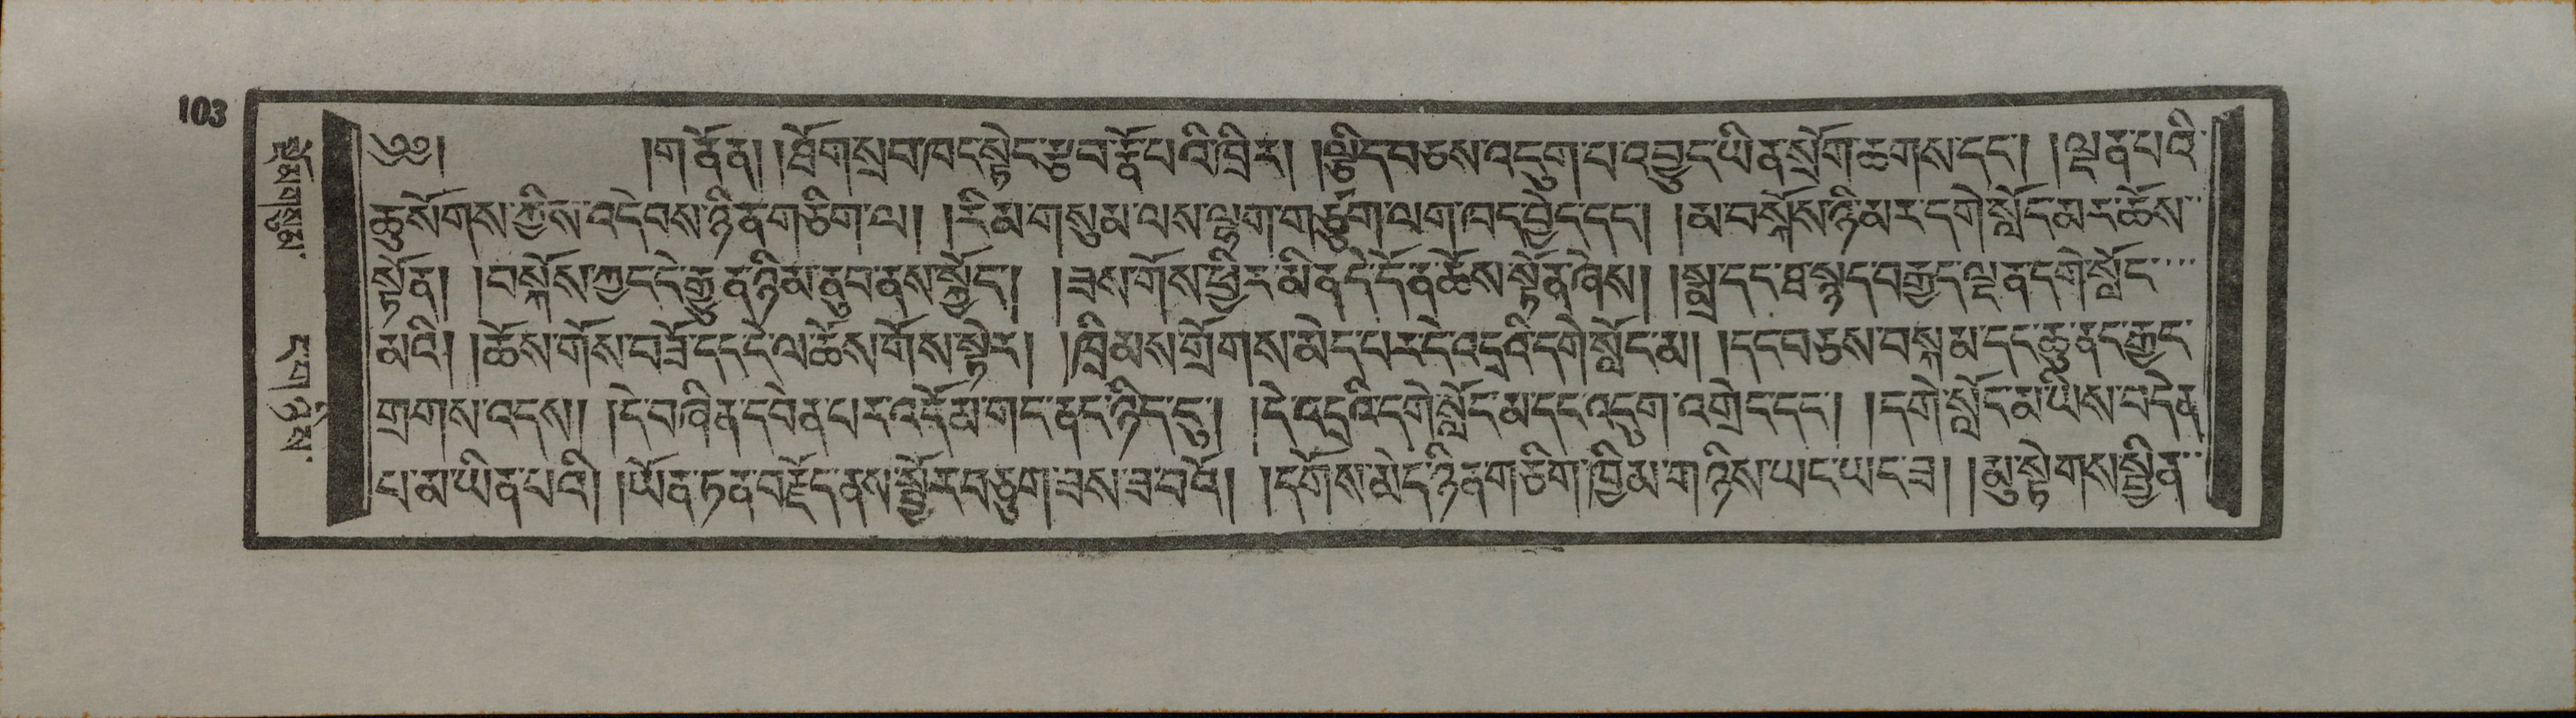༄༅། །གནོན། །ཐོག་སྲབ་ཁང་སྟེང་རྩབ་རྣོ་པའི་ཁྲིར། །ལྕིད་བཅས་འདུག་པ་འབྱུང་ཡིན་སྲོག་ཆགས་དང་། །ལྡན་པའི་
ཆུ་སོགས་ཀྱིས་འདེབས་ཉིན་གཅིག་ལ། །རིམ་གསུམ་ལས་ལྷག་གཙུག་ལག་ཁང་བྱེད་དང་། །མ་བསྐོས་ཉི་མར་དགེ་སློང་མར་ཆོས་
སྟོན། །བསྐོས་ཀྱང་དེ་རྒྱུན་ཉི་མ་ནུབ་ནས་སྐྱོང་། །ཟས་གོས་ཕྱིར་མིན་དེ་དོན་ཆོས་སྟོན་ཞེས། །སྨྲ་དང་ཐ་སྙད་བརྒྱད་ལྡན་དགེ་སློང་
མའི། །ཆོས་གོས་བཟོ་དང་དེ་ལ་ཆོས་གོས་སྟེར། །ཁྲིམས་གྲོགས་མེད་པར་དེ་འདྲའི་དགེ་སློང་མ། །དང་བཅས་བསྐམ་དང་ཆུ་ནང་རྒྱང་
གྲགས་འདས། །དེ་བཞིན་དབེན་པར་འདོམ་གང་ནང་ཉིད་དུ། །དེ་འདྲའི་དགེ་སློང་མ་དང་འདུག་འགྲེང་དང་། །དགེ་སློང་མ་ཡིས་བདེན་
པ་མ་ཡིན་པའི། །ཡོན་ཏན་བརྗོད་ནས་སྦྱོར་བཅུག་ཟས་ཟ་བའོ། །དགོས་མེད་ཉིན་གཅིག་ཁྱིམ་གཉིས་ཡང་ཡང་ཟ། །མུ་སྟེགས་སྦྱིན་